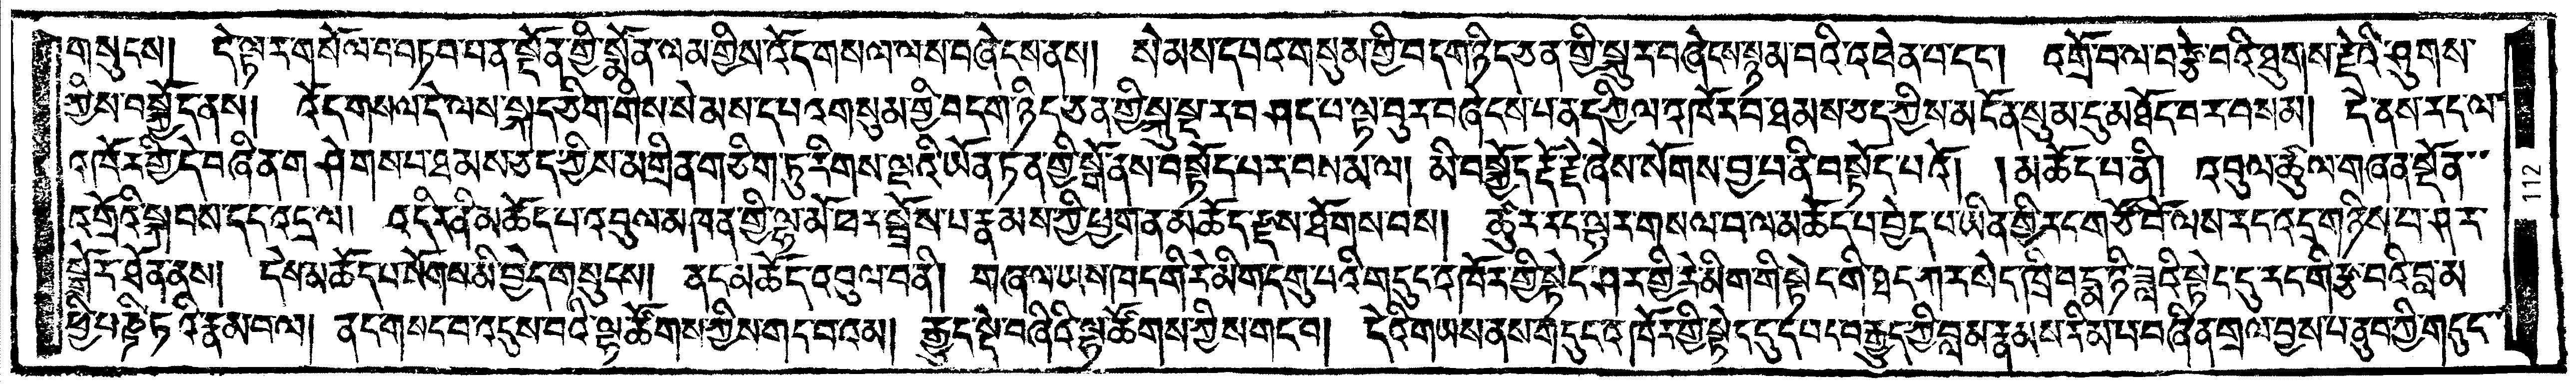གསུངས། དེ་ལྟར་གསོལ་བ་བཏབ་པ་ན་སྔོན་གྱི་སྨོན་ལམ་གྱིས་འོད་གསལ་ལས་བཞེངས་ནས། སེམས་དཔའ་གསུམ་གྱི་བདག་ཉིད་ཅན་གྱི་སྐུར་བཞེངས་སྙམ་བའི་འཕེན་པ་དང་། འགྲོ་བ་ལ་བརྩེ་བའི་ཐུགས་རྗེའི་ཤུགས་
ཀྱིས་བསྐྱོད་ནས། འོད་གསལ་དེ་ལས་སྐད་ཅིག་གིས་སེམས་དཔའ་གསུམ་གྱི་བདག་ཉིད་ཅན་གྱི་སྐུ་སྔར་བཤད་པ་ལྟ་བུར་བཞེངས་པ་ན་དཀྱིལ་འཁོར་བ་ཐམས་ཅད་ཀྱིས་མངོན་སུམ་དུ་མཐོང་བར་བསམ། དེ་ནས་རང་ལ་
འཁོར་གྱི་དེ་བཞིན་གཤེགས་པ་ཐམས་ཅད་ཀྱིས་མགྲིན་གཅིག་ཏུ་རིགས་ལྔའི་ཡོན་ཏན་གྱི་སྒོ་ནས་བསྟོད་པར་བསམ་ལ། མི་བསྐྱོད་རྡོ་རྗེ་ཞེས་སོགས་བྱ་བ་ནི་བསྟོད་པའོ། །མཆོད་པ་ནི། འབུལ་ཚུལ་གཞན་སྔོན་
འགྲོའི་སྐབས་དང་འདྲ་ལ། འདིར་ནི་མཆོད་པ་འབུལ་མཁན་གྱི་ལྷ་མོ་ཕར་སྤྲོས་པ་རྣམས་ཀྱི་ཕྱག་ན་མཆོད་རྫས་ཐོགས་བས། ཚུར་རང་ལྷར་གསལ་བ་ལ་མཆོད་པ་བྱེད་པ་ཡིན་གྱི་རང་གཙོ་བོ་ལས་རང་འདྲ་གཉིས་པ་ཤར་
སྒོར་ཐོན་ནས། དེས་མཆོད་པ་སོགས་མི་བྱེད་གསུངས། ནང་མཆོད་འབུལ་བ་ནི། གཞལ་ཡས་ཁང་གི་རེ་མིག་དགུ་པའི་གདུང་འཁོར་གྱི་སྟེང་ཤར་གྱི་རེ་མིག་གི་སྟེང་གི་ཐད་ཀར་སེང་ཁྲི་པདམ་ཉི་ཟླའི་སྟེང་དུ་རང་གི་རྩ་བའི་བླ་མ་
ཕྱི་པཎྜི་ཏའི་རྣམ་བ་ལ། ནང་གསང་བ་འདུས་བའི་ལྷ་ཚོགས་ཀྱིས་གང་བའམ། རྒྱུད་སྡེ་བཞིའི་ལྷ་ཚོགས་ཀྱིས་གང་བ། དེའི་གཡས་ནས་གདུང་འཁོར་གྱི་སྟེང་དུ་དབང་བརྒྱུད་ཀྱི་བླ་མ་རྣམས་རིམ་པ་བཞིན་གྲལ་བྱས་པ་ནུབ་ཀྱི་གདུང་